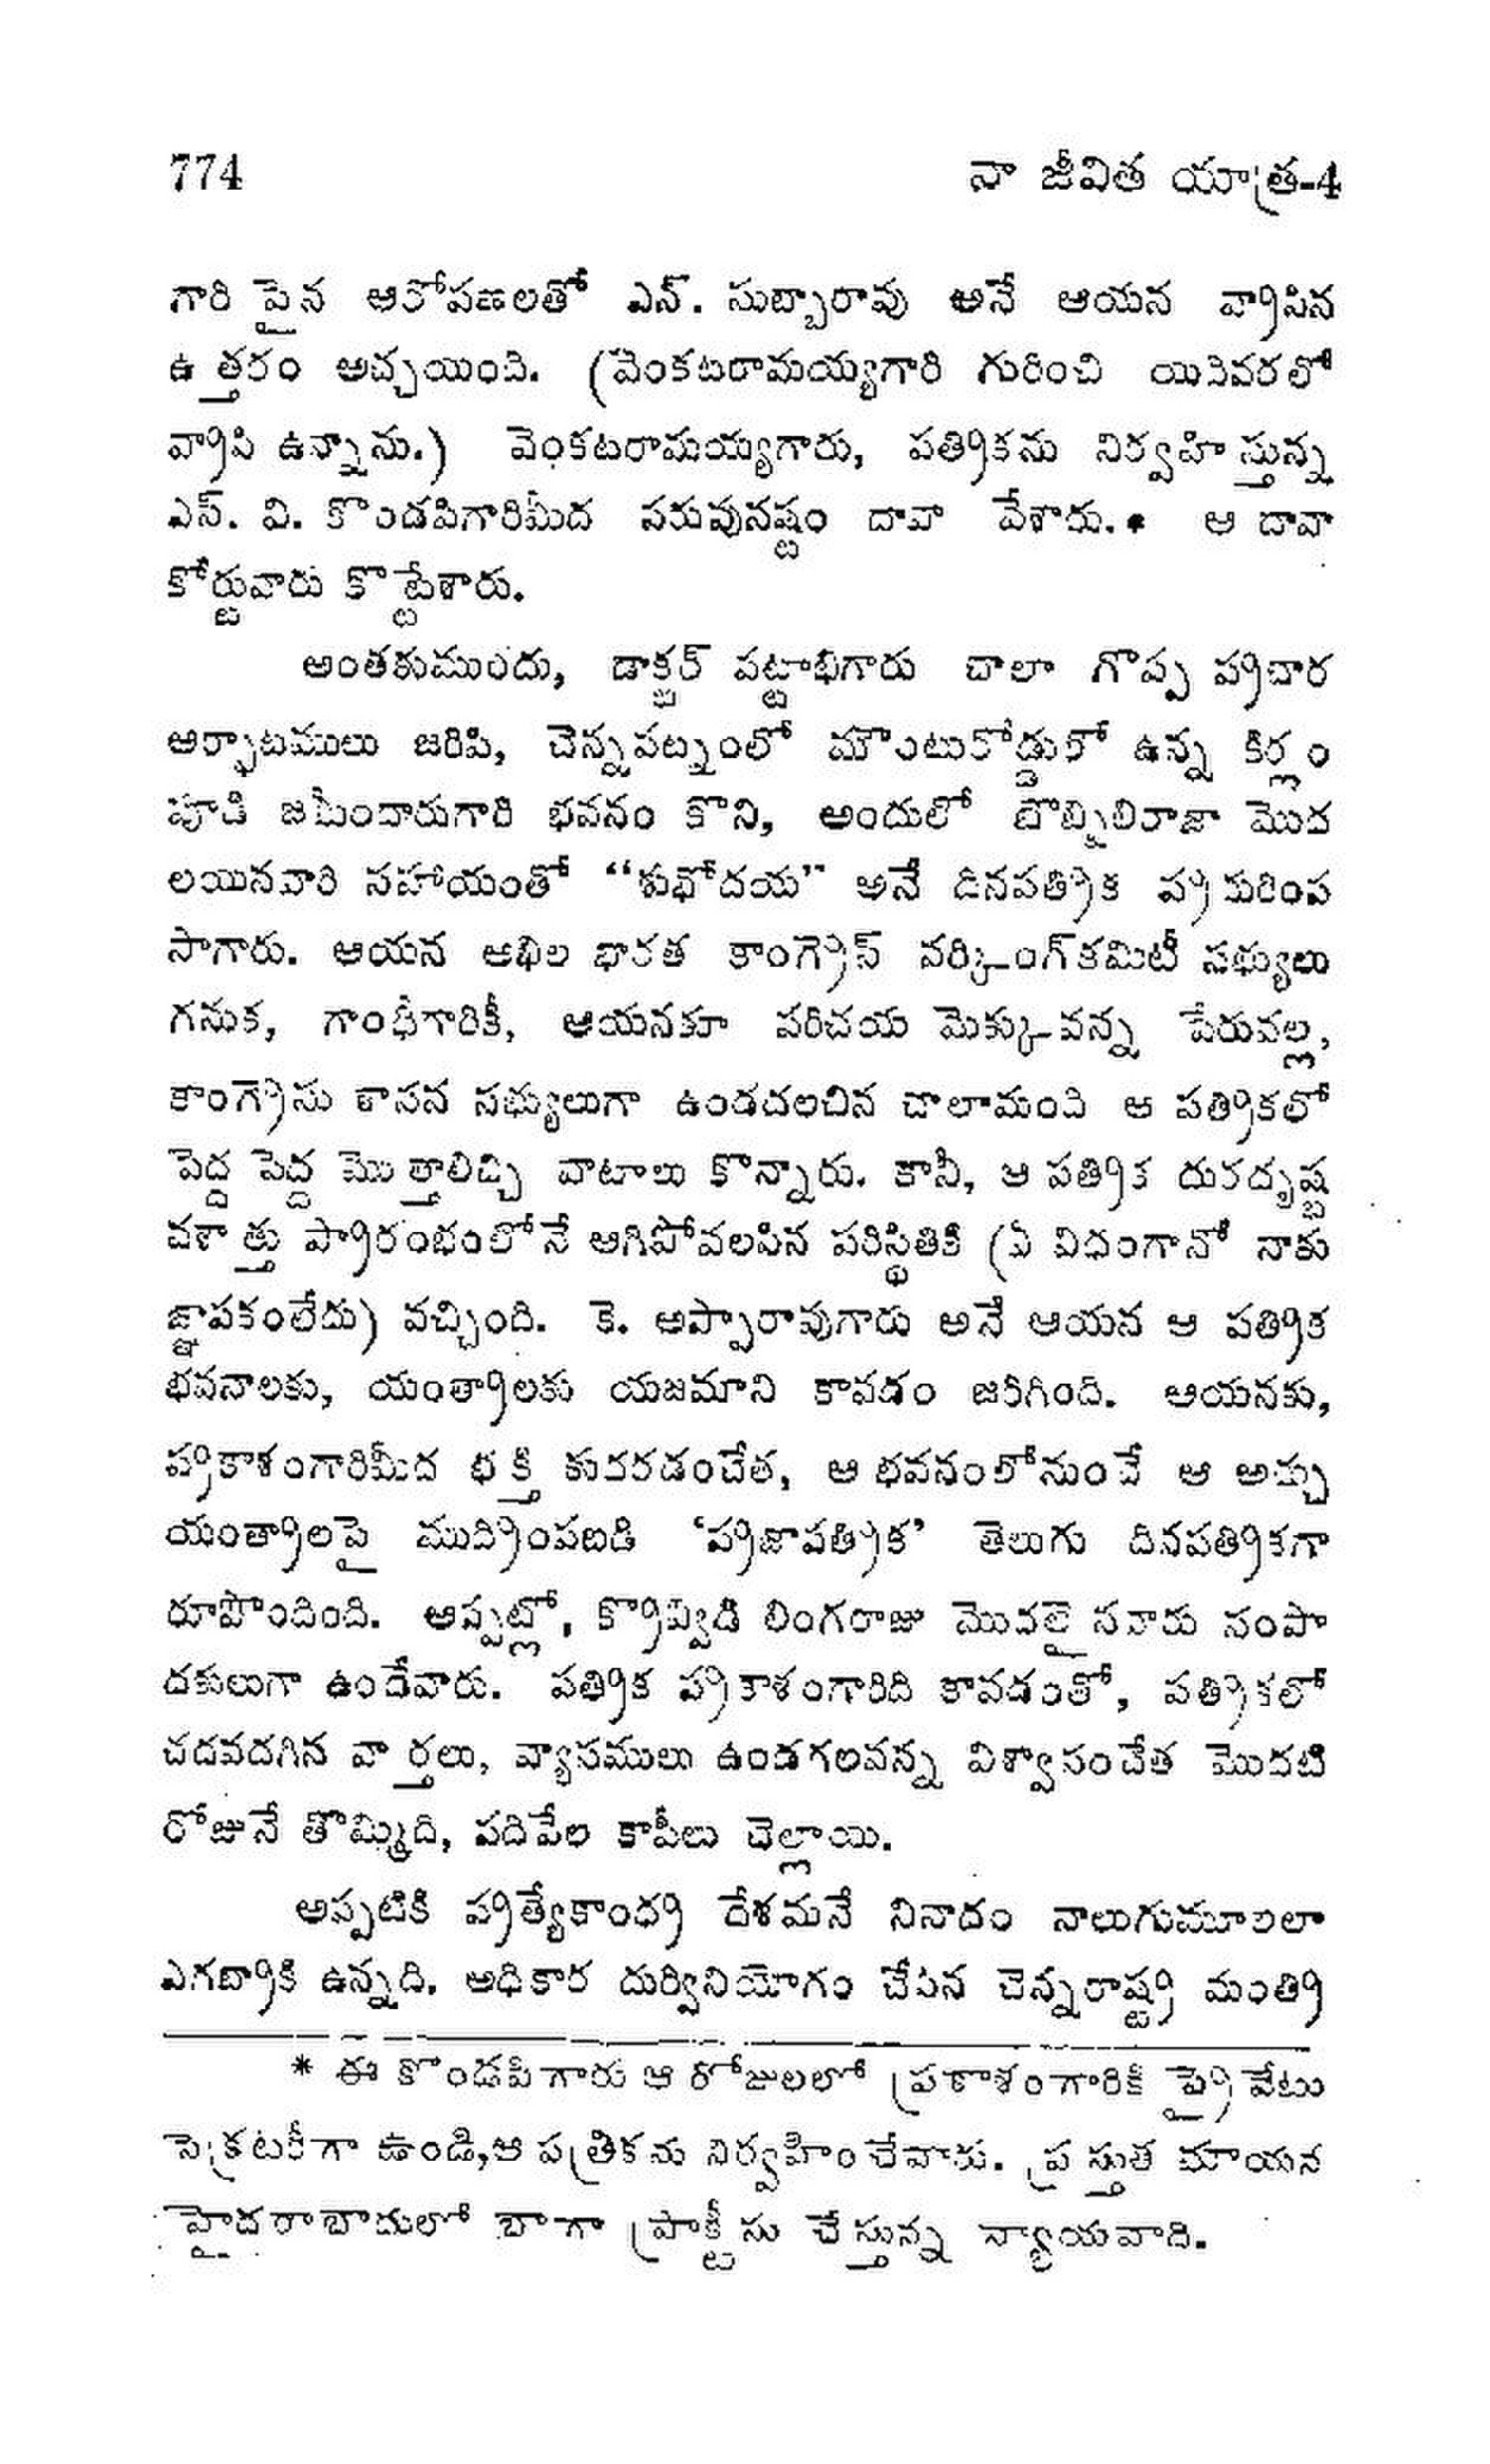గారి పైన ఆరోపణలతో ఎస్. సుబ్బారావు అనే ఆయన వ్రాసిన ఉత్తరం అచ్చయింది. (వెంకటరామయ్యగారి గురించి యిదివరలో వ్రాసి ఉన్నాను.) వెంకటరామయ్యగారు, పత్రికను నిర్వహిస్తున్న ఎస్.వి. కొండపిగారిమీద పరువునష్టం దావా వేశారు. ఆ దావా కోర్టువారు కొట్టేశారు.

అంతకుముందు, డాక్టర్ పట్టాభిగారు చాలా గొప్ప ప్రచార ఆర్భాటములు జరిపి, చెన్నపట్నంలో మౌంటురోడ్డులో ఉన్న కిర్లంపూడి జమీందారుగారి భవనం కొని, అందులో బొబ్బిలిరాజా మొదలయినవారి సహాయంతో "శుభోదయ" అనే దినపత్రిక ప్రచురింప సాగారు. ఆయన అఖిల భారత కాంగ్రెస్ వర్కింగ్‌కమిటీ సభ్యులు గనుక, గాంధీగారికీ, ఆయనకూ పరిచయ మెక్కువన్న పేరువల్ల, కాంగ్రెసు శాసన సభ్యులుగా ఉండదలచిన చాలామంది ఆ పత్రికలో పెద్ద పెద్ద మొత్తాలిచ్చి వాటాలు కొన్నారు. కానీ, ఆ పత్రిక దురదృష్ట వశాత్తు ప్రారంభంలోనే ఆగిపోవలసిన పరిస్థితికి (ఏ విధంగానో నాకు జ్ఞాపకంలేదు) వచ్చింది. కె. అప్పారావుగారు అనే ఆయన ఆ పత్రిక భవనాలకు, యంత్రాలకు యజమాని కావడం జరిగింది. ఆయనకు, ప్రకాశంగారిమీద భక్తి కుదరడంచేత, ఆ భవనంలోనుంచే ఆ అచ్చు యంత్రాలపై ముద్రింపబడి 'ప్రజాపత్రిక' తెలుగు దినపత్రికగా రూపొందింది. అప్పట్లో, క్రొవ్విడి లింగరాజు మొదలైనవారు సంపాదకులుగా ఉండేవారు. పత్రిక ప్రకాశంగారిది కావడంతో, పత్రికలో చదవదగిన వార్తలు, వ్యాసములు ఉండగలవన్న విశ్వాసంచేత మొదటి రోజునే తొమ్మిది, పదివేల కాపీలు చెల్లాయి.

అప్పటికి ప్రత్యేకాంధ్ర దేశమనే నినాదం నాలుగుమూలలా ఎగబ్రాకి ఉన్నది. అధికార దుర్వినియోగం చేసిన చెన్నరాష్ట్ర మంత్రి